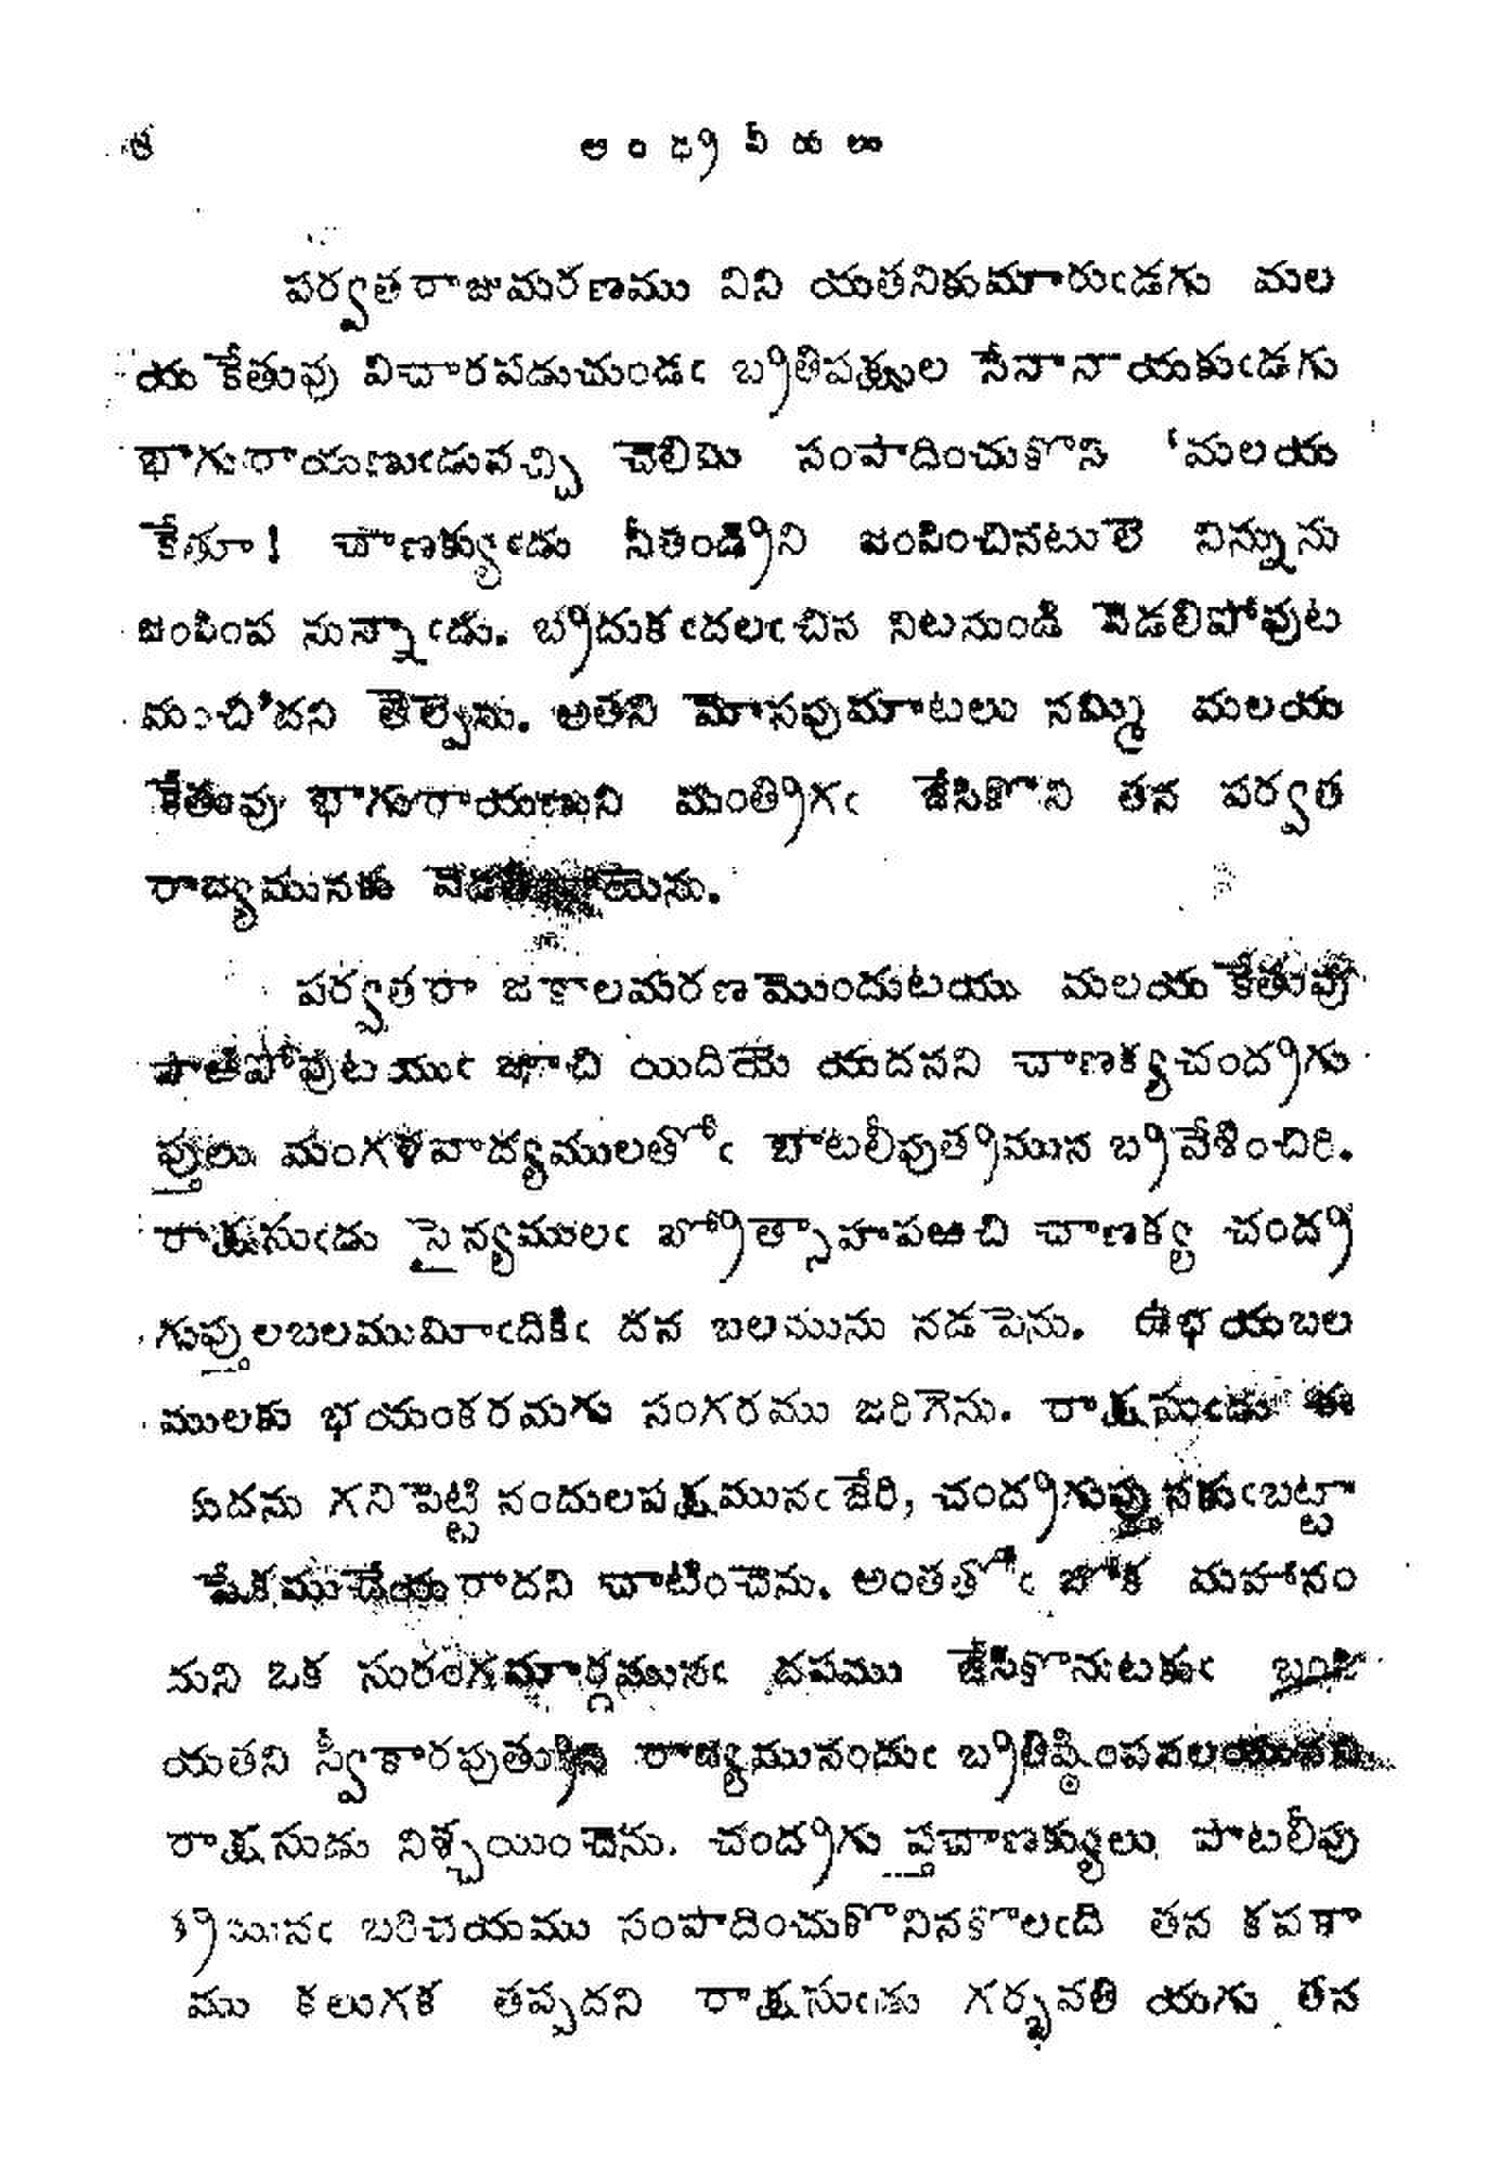పర్వతరాజుమరణము విని యతని కుమారుడగు మలయ కేతువు విచారపడుచుండ బ్రతిపక్షుల సేనానయకుడగు భాగురాయణుడు వచ్చి చెలిమి సంపాదించుకొని 'మలయ కేతూ! చాణక్యుడు నీతండ్రిని జంపించినటులె నిన్నును జంపింప నున్నాడు. బ్రదుక దలచిన నిటనుండి వెడలిపోవుట మంచి'దని తెల్పెను. అతని మోసపుమాటలు నమ్మి మలయ కేతువు భాగురాయణుని మంత్రిగ జేసికొని తన పర్వత రాజ్యమునకు వెడలిపోయెను.

పర్వతరాజ కాలమరణ మొందుటయు మలయకేతువు పాఱిపోవుటయు జూచి యిదియె యదనని చాణక్య చంద్రగుప్తులు మంగళవాద్యములతో బాటలీపుత్రమున బ్రవేశించిరి. రాక్షసుడు సైన్యముల బ్రోత్సాహపఱచి చాణక్య చంద్రగుప్తుల బలము మీదికి దన బలమును నడపెను. ఉభయ బలములకు భయంకరమగు సంగరము జరిగెను. రాక్షసుడు ఈ యదును గనిపెట్టి నందులపక్షమున జేరి, చంద్రగుప్తునకు బట్టాభిషేకము చేయరాదని చాటించెను. అంతతో బోక మహానందుని ఒక సురంగ మార్గమున దపము జేసికొనుటకు బంపి యతని స్వీకారపుత్రుని రాజ్యమునందు బ్రతిష్ఠింపవలయునని రాక్షసుడు నిశ్చయించెను. చంద్రగుప్త చాణక్యులు పాటలీపుత్రమున బరిచయము సంపాదించుకొనిన కొలది తన కపకారము కలుగక తప్పదని రాక్షసుడు గర్భవతి యగు తన